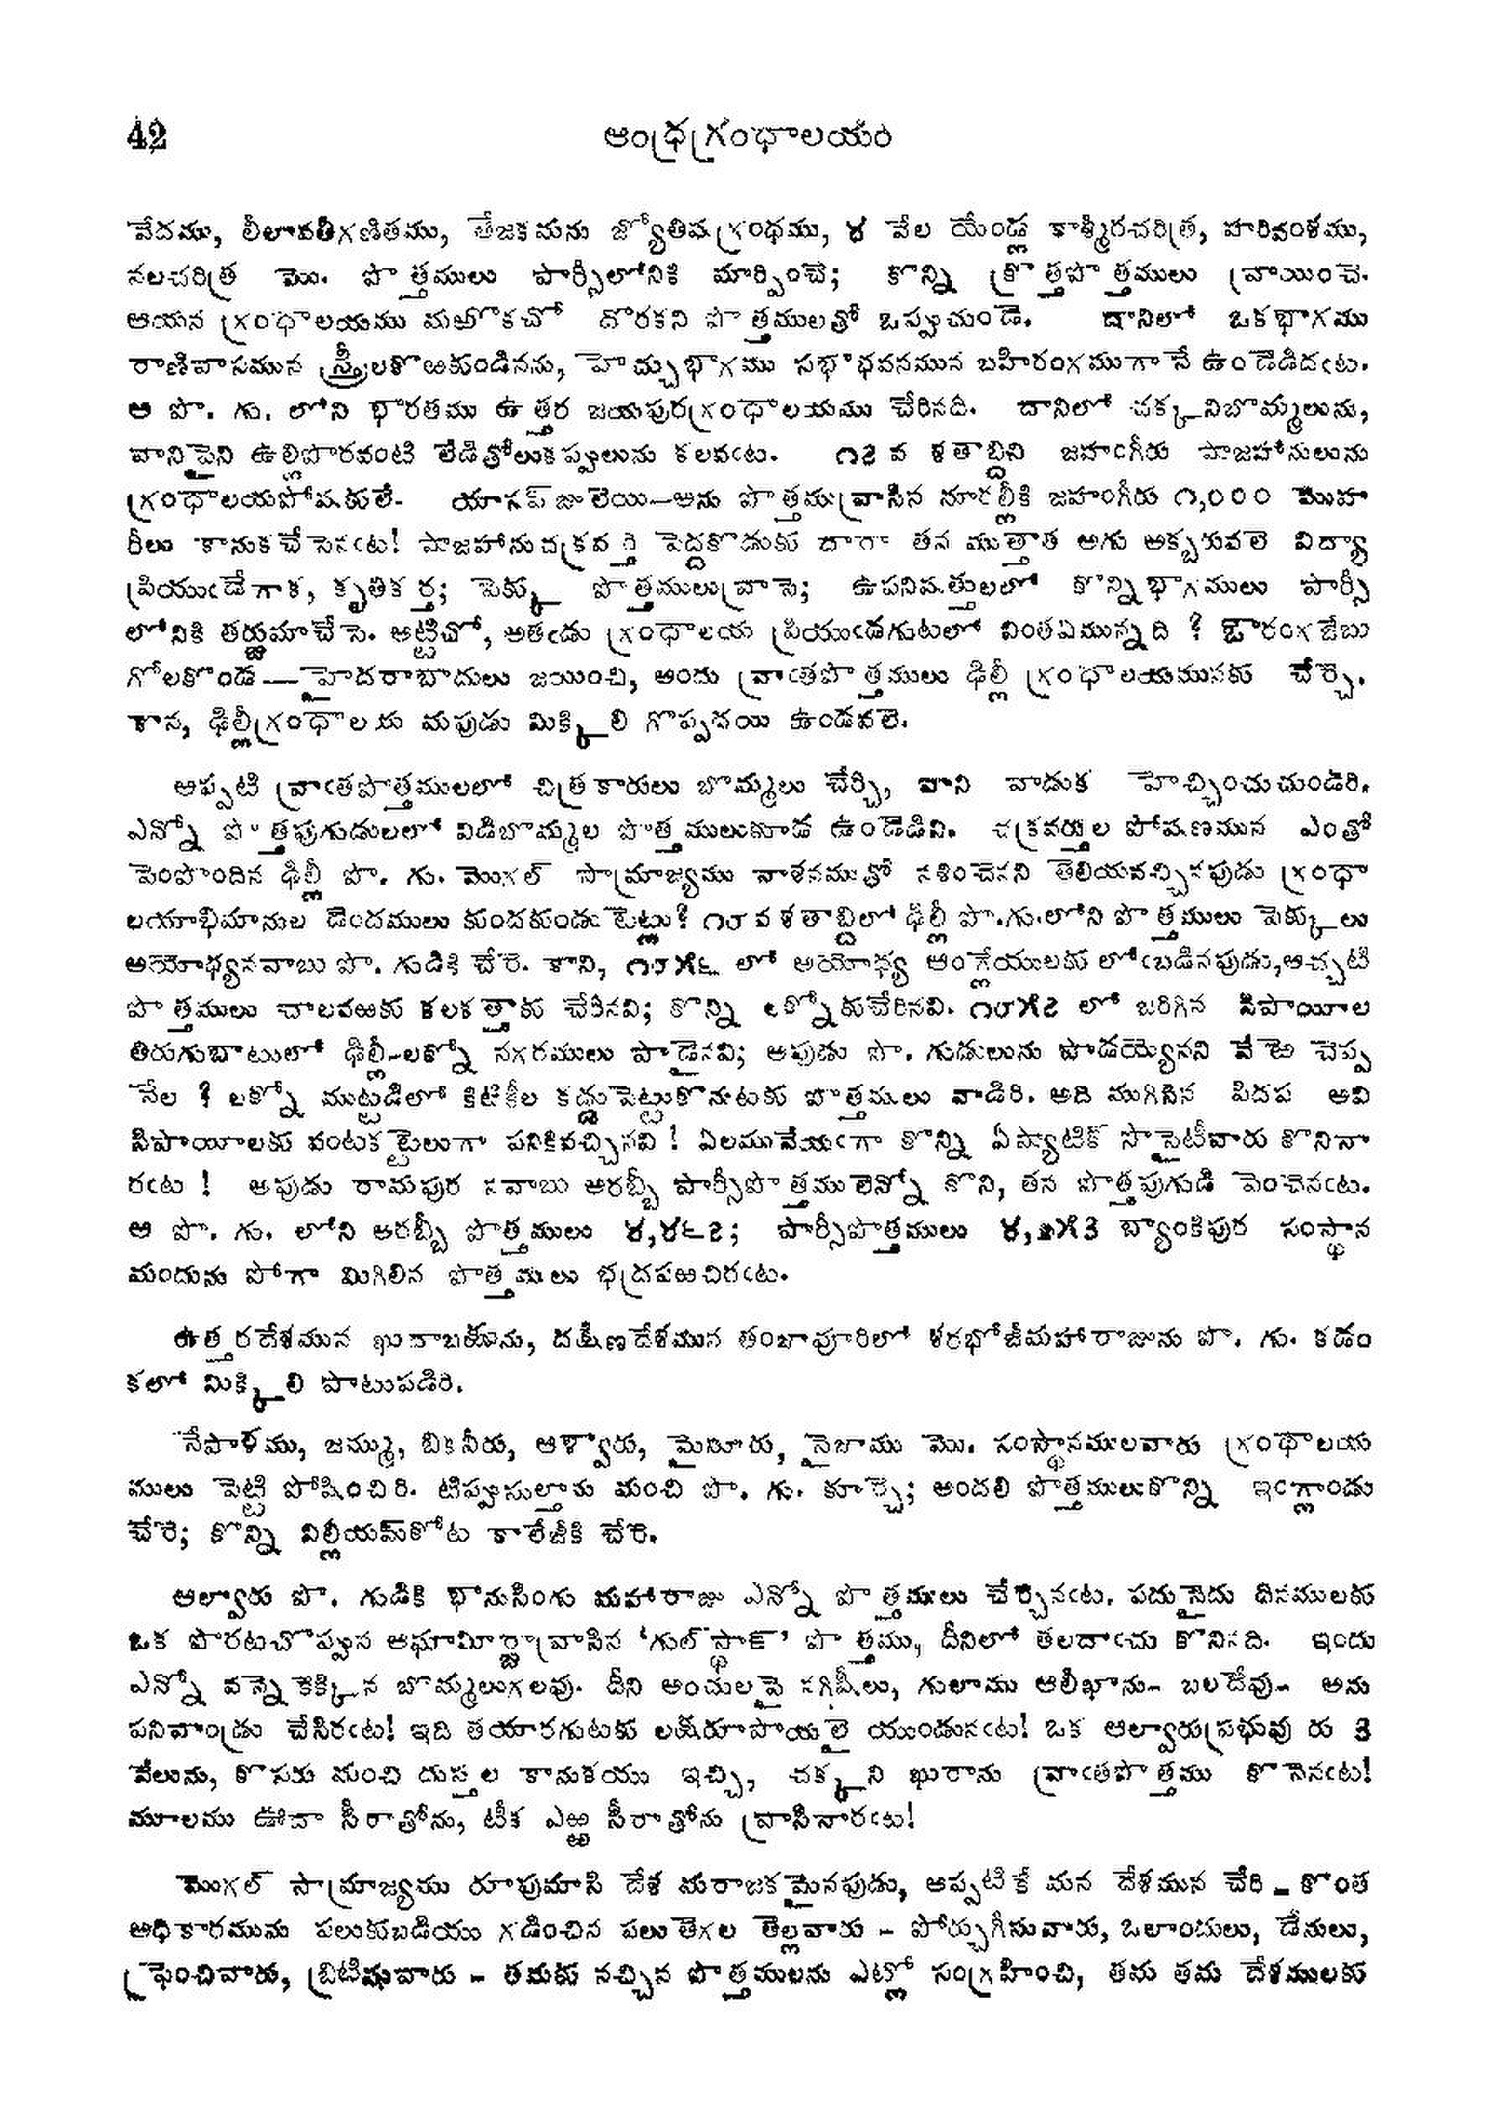వేదము, లీలావతి గణితము, తేజకమను జ్యోతిష్యగ్రంధము,౪ వేల యే౦డ్ల కాశ్మీరచరిత్ర, హరివంశము, నలచరచరిత్ర 
మొ. పొత్తములు పార్సీలోనికి మార్పించే; కొన్ని క్రొత్తపొత్తములు వ్రాయించె. ఆయన గ్రంధాలయము మలొకచో దొరకని
పొత్తములతో ఒప్పుచుండె. దానిలో ఒక భాగము రాణివాసమున స్త్రీలఱకుండినను, హెచ్చుభాగము సభ భవనమున 
బహిరంగముగానే ఉండెడిదఁట. ఆ పొ.గు. లోని భారతము ఉత్తర జయపురగ్రంధాలయము చేరినదీ. దానిలో 
చక్కనిబొమ్మలును, వానిపైని ఉల్లిపొరవంటి లేడితోలుకప్పులును కలవఁట. ౧౭ వ శతాబ్ది జహంగీరు పాజహానులును
గ్రంథాలయ పోషకరులే- యాసప్ జులెయి — అను పొత్తము వ్రాసిన నూరల్లీకి జహంగీరు ౧,౦౦౦ మొహరీలు కానుక 
చేసెనఁట! షాజహాను చక్రవర్తి పెద్దకొడుకు దాగా తన ముత్తాత అగు అక్బరువలె విద్యాప్రియుఁడేగాక, కృతికర్త; పెక్కు 
పొత్తములు వ్రాసె; ఉపనిషత్తులలో కొన్ని భాగములు పార్శి లోనికి తర్జుమాచేసె. అట్టిలో, అతఁడు గ్రంథాలయ 
ప్రియుఁడగుటలో వింత ఏమున్నది? ఔరంగజేబు గోలకొండ - హైదరాబాదులు జయించి, అందు వ్రాతపొత్తములు ఢిల్లీ 
గ్రంధాలయమునకు చేర్చి. కాన, ఢిల్లీ గ్రంధాలను మపుడు మిక్కిలి గొప్పదయి ఉండవలె.

అప్పటి ప్రాఁతపొత్తములలో చిత్రకారులు బొమ్మలు చేర్చి, వాని వాడుక హెచ్చించుచుండిరి. ఎన్నో పొత్తపుగుడులలో 
విడిబొమ్మల పొత్తములుగూడ ఉండెడివి. చక్రవర్తుల పోషణమున ఎంతో పెంపొందిన ఢిల్లీ పొ.గు.మొగల్ సామ్రాజ్యము 
నాశనముతో నశించెనని తెలియవచ్చినపుడు గ్రంధాలయాభిమానుల డెందములు కుందకుండు టెట్లు? ౧౮వ శతాబ్దిలో 
ఢిల్లీ పొ.గు లోని పొత్తములు పెక్కులు అయోధ్యనవాబు పొ.గుడికి చేరే. కాని, ౧౮౫౬ లో అయోధ్య ఆంగ్లేయులకు 
లోఁబడినపుడు, అచ్చటి పొత్తములు చాలవఱకు కలకత్తాకు చేరినవి; కొన్ని లక్నోకు చేరినవి. ౧౮౫౭ లో జరిగిన 
సిపాయీల తిరుగుబాటులో ఢిల్లీ-లక్నో నగరములు పాడైనవి; అపుడు పొ. గుడులును పాడయ్యెనని వేఱె చెప్ప
నేల? లక్నో ముట్టడిలో కిటికీల కడ్డు పెట్టుకొనుటకు పొత్తములు వాడిరి. అది ముగిసిన పిదప అవి సిపాయీలకు 
వంటకట్టెలుగా పనికివచ్చినవి ? ఏలమువేయఁగా కొన్ని ఏసియాటిక్ ఏస్యాటిక్ సొసైటీవారు కొనినారఁట! అపుడు 
రామపుర నవాబు అరబ్బీ పార్శి పొత్తములెన్నో కొని, తన పొత్తపుగుడి పెంచెనఁట. ఆ పొ.గు. లోని అరబ్బీ పొత్తములు 
౪,౪౬౭; పార్శి పొత్తములు ౪,౨౫౩ బ్యాంకిపుర సంస్థానమందును పోగా మిగిలిన పొత్తములు భద్రపఱచిరఁట.

ఉత్తరదేశమున ఖుదాబక్షను, దక్షిణదేశమున తంజావూరిలో శరభోజీమహారాజును పొ.గు. కడంకలో మిక్కిలి 
పాటుపడిరి.

నేపాళము, జమ్ము, బికనీరు, ఆళ్వారు, మైసూరు, నైజాము మొ. సంస్థానములవారు గ్రంథాలయములు పెట్టి 
పోషించిరి. టిప్పుసుల్తారు మంచి పొ. గు. కూర్చె; అందలి పొత్తములుకొన్ని ఇంగ్లాండు చేరే; కొన్ని విల్లీయమ్ 
కోట కాలేజీకి చేరె.

అల్వారు పొ, గుడికి భానుసింగు మహారాజు ఎన్నో పొత్తములు చేర్చినఁట, పదునైదు దినములకు ఒక పొరటచొప్పున 
ఆఘామీర్జా వ్రాసిన 'గుల్ స్థా౯' పొత్తము, దీనిలో తలదాఁచు కొనినది. ఎన్నో వన్నెకెక్కిన బొమ్మలుగలవు. దీని 
అంచులపై నగిషీలు, గులాము ఆలీఖాను-బలదేవు-అను పనివాండ్రు చేసిరఁట! ఇది తయారగుటకు లక్షరూపాయలై 
యుండునఁట! ఒక ఆల్వారు ప్రభువురు ౩ వేలును, కొసరు మంచి దుస్తుల కానుకయు ఇచ్చి, చక్కని ఖురాను 
వ్రాఁతపొత్తము కొనెనఁట! మూలము ఊదా నీరాతోను, టీక ఎఱ్ఱ సీరాతోను వ్రాసినారట!

మొగల్ సామ్రాజ్యము రూపుమాసి దేశ మరాజకమైనపుడు, అప్పటికే మన దేశమున చేరి - అధికారమును పలుకుబడియు 
గడించిన పలు తెగల తెల్లవారు - పోర్చుగీసువారు, ఒలాందులు, డేనులు, ఫ్రెంచివారు, బ్రిటీషువారు తమకు నచ్చిన 
పొత్తములను ఎట్లో సంగ్రహించి, తమ తమ దేశములకు